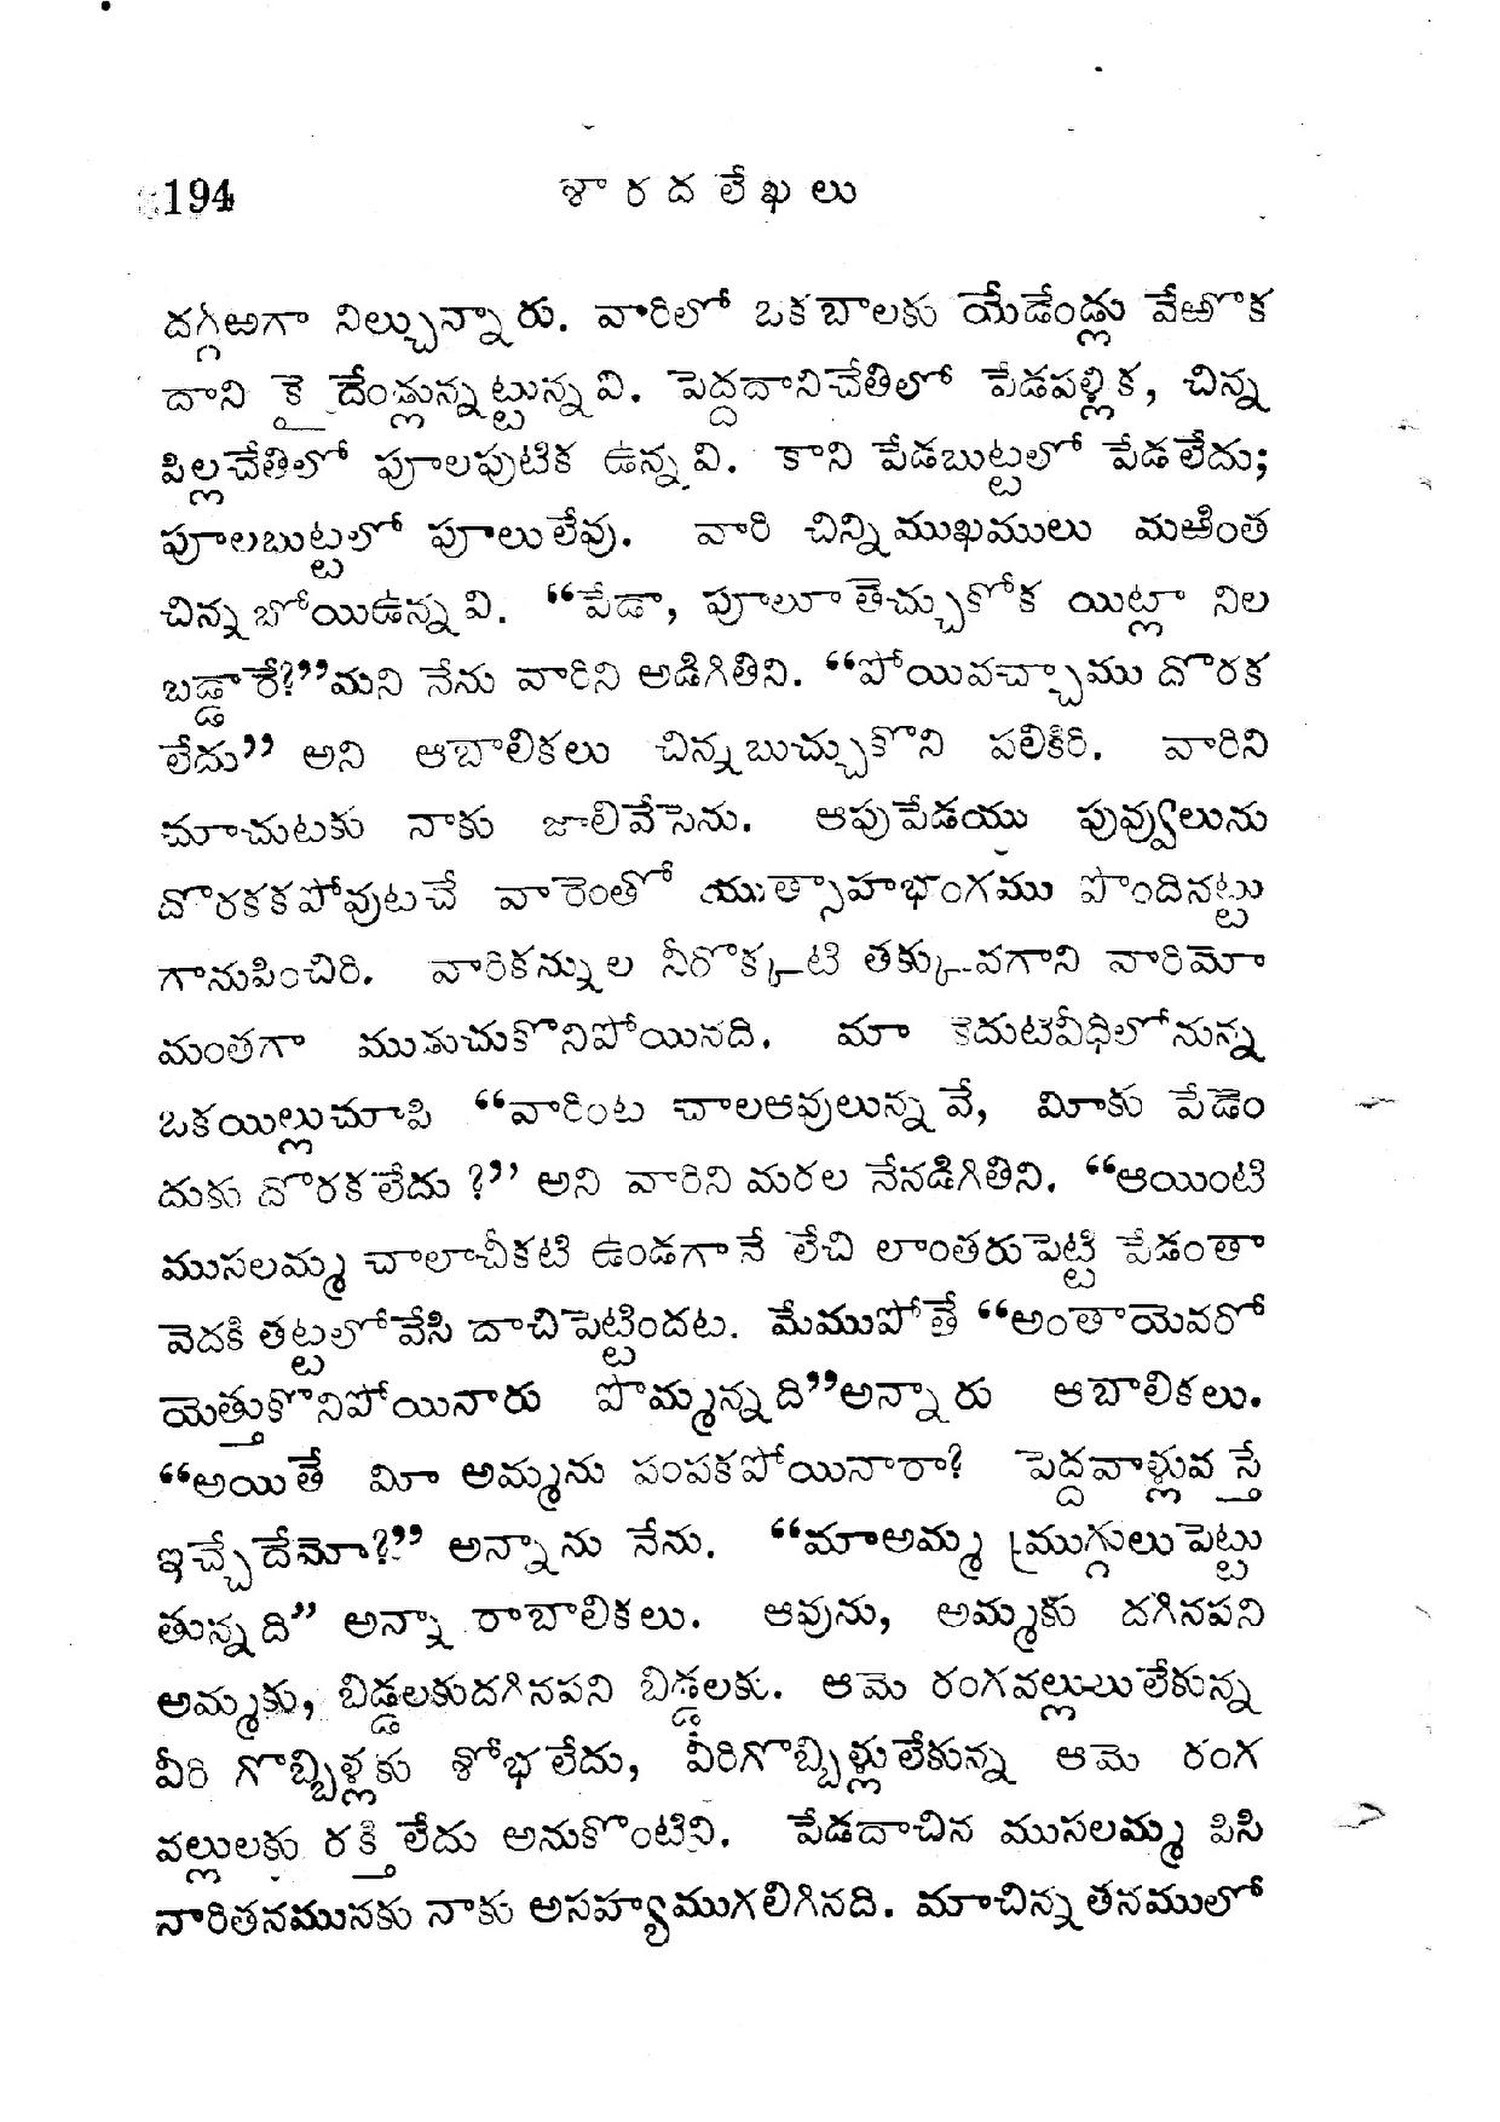దగ్గిఱగా నిల్చున్నారు. వారిలో ఒకబాలకు యేడేండ్లు వేఱొకదాని కై దేండ్లున్నట్టున్నవి. పెద్దదానిచేతిలో పేడపళ్లిక, చిన్నపిల్లచేతిలో పూలపుటిక ఉన్నవి. కాని పేడబుట్టలో పేడలేదు; పూలబుట్టలో పూలులేవు. వారి చిన్నిముఖములు మఱింత చిన్నబోయిఉన్నవి. "పేడా, పూలూ తెచ్చుకోక యిట్లా నిలబడ్డారే?”మని నేను వారిని అడిగితిని. “పోయివచ్చాము దొరకలేదు” అని ఆబాలికలు చిన్నబుచ్చుకొని పలికిరి. వారిని
చూచుటకు నాకు జాలివేసెను. ఆపువేడయు పువ్వులును దొరకకపోవుటచే వారెంతో యుత్సాహభంగము పొందినట్టు గానుపించిరి. వారికన్నుల నీరొక్కటి తక్కువగాని వారిమోమంతగా ముడుచుకొనిపోయినది. మా కెదుటివీధిలో నున్న ఒకయిల్లుచూపి “వారింట చాలఆవులున్నవే, మీకు పేడెందుకు దొరకలేదు ?" అని వారిని మరల నేనడిగితిని. "ఆయింటి ముసలమ్మ చాలాచీకటి ఉండగానే లేచి లాంతరుపెట్టి పేడంతా
వెదకి తట్టలోవేసి దాచిపెట్టిందట. మేముపోతే “అంతాయెవరో యెత్తుకొనిపోయినారు పొమ్మన్నది"అన్నారు ఆబాలికలు. “అయితే మీ అమ్మను పంపకపోయినారా? పెద్దవాళ్లువస్తే ఇచ్చేదేమో?" అన్నాను నేను. “మాఅమ్మ మ్రుగ్గులుపెట్టుతున్నది” అన్నా రాబాలికలు. అవును, అమ్మకు దగినపని అమ్మకు, బిడ్డలకుదగినపని బిడ్డలకు. ఆమె రంగవల్లులులేకున్న వీరి గొబ్బిళ్లకు శోభలేదు, వీరిగొబ్బిళ్లులేకున్న ఆమె రంగవల్లులకు రక్తిలేదు అనుకొంటిని. పేడదాచిన ముసలమ్మ పిసినారితనమునకు నాకు అసహ్యము గలిగినది. మాచిన్నతనములో